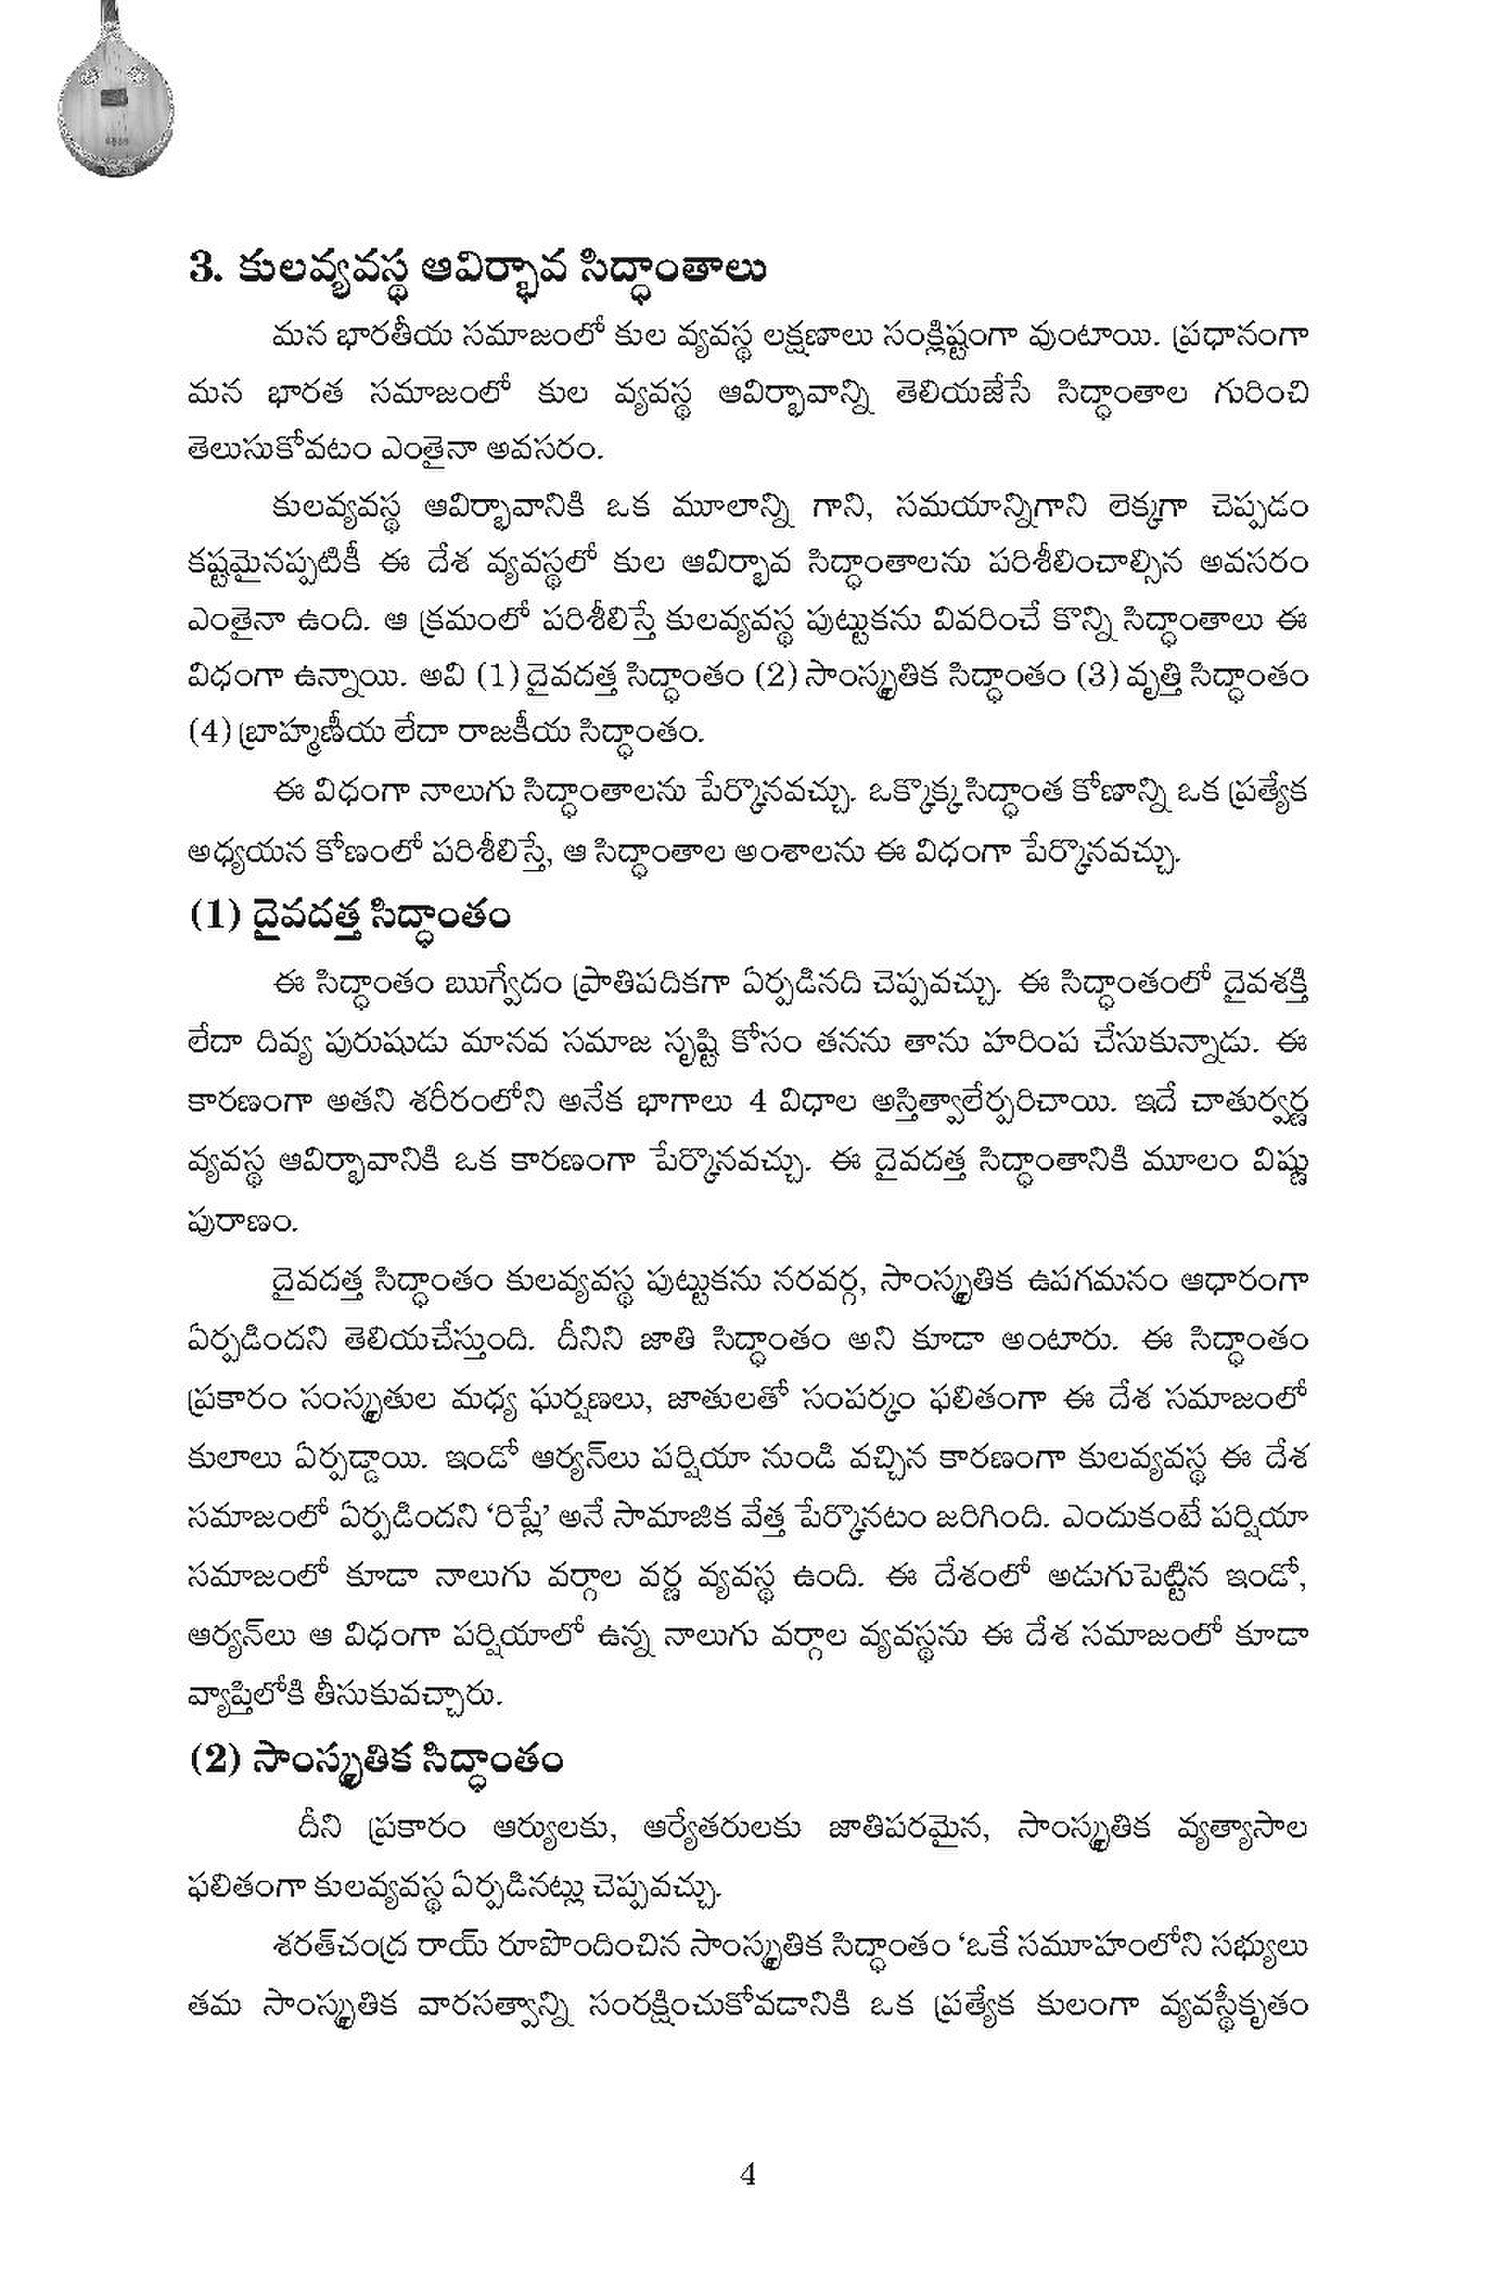3. కులవ్యవస్థ ఆవిర్భావ సిద్ధాంతాలు 

మన భారతీయ సమాజంలో కుల వ్యవస్థ లక్షణాలు సంక్లిష్టంగా వుంటాయి. ప్రధానంగా మన భారత సమాజంలో కుల వ్యవస్థ ఆవిర్భావాన్ని తెలియజేసే సిద్ధాంతాల గురించి తెలుసుకోవటం ఎంతైనా అవసరం.

కులవ్యవస్థ ఆవిర్భావానికి ఒక మూలాన్ని గాని, సమయాన్నిగాని లెక్కగా చెప్పడం కష్టమైనప్పటికీ ఈ దేశ వ్యవస్థలో కుల ఆవిర్భావ సిద్ధాంతాలను పరిశీలించాల్సిన అవసరం ఎంతైనా ఉంది. ఆ క్రమంలో పరిశీలిస్తే కులవ్యవస్థ పుట్టుకను వివరించే కొన్ని సిద్ధాంతాలు ఈ విధంగా ఉన్నాయి. అవి (1) దైవదత్త సిద్ధాంతం (2) సాంస్కృతిక సిద్ధాంతం (3) వృత్తి సిద్ధాంతం (4) బ్రాహ్మణీయ లేదా రాజకీయ సిద్ధాంతం.

ఈ విధంగా నాలుగు సిద్ధాంతాలను పేర్కొనవచ్చు. ఒక్కొక్క సిద్ధాంత కోణాన్ని ఒక ప్రత్యేక అధ్యయన కోణంలో పరిశీలిస్తే, ఆ సిద్ధాంతాల అంశాలను ఈ విధంగా పేర్కొనవచ్చు.

(1) దైవదత్త సిద్ధాంతం 

ఈ సిద్ధాంతం ఋగ్వేదం ప్రాతిపదికగా ఏర్పడినది చెప్పవచ్చు. ఈ సిద్ధాంతంలో దైవశక్తి లేదా దివ్య పురుషుడు మానవ సమాజ సృష్టి కోసం తనను తాను హరింప చేసుకున్నాడు. ఈ కారణంగా అతని శరీరంలోని అనేక భాగాలు 4 విధాల అస్తిత్వాలేర్పరిచాయి. ఇదే చాతుర్వర్ణ వ్యవస్థ ఆవిర్భావానికి ఒక కారణంగా పేర్కొనవచ్చు. ఈ దైవదత్త సిద్ధాంతానికి మూలం విష్ణు పురాణం.

దైవదత్త సిద్ధాంతం కులవ్యవస్థ పుట్టుకను నరవర్గ, సాంస్కృతిక ఉపగమనం ఆధారంగా ఏర్పడిందని తెలియచేస్తుంది. దీనిని జాతి సిద్ధాంతం అని కూడా అంటారు. ఈ సిద్ధాంతం ప్రకారం సంస్కృతుల మధ్య ఘర్షణలు, జాతులతో సంపర్కం ఫలితంగా ఈ దేశ సమాజంలో కులాలు ఏర్పడ్డాయి. ఇండో ఆర్యన్లు పర్షియా నుండి వచ్చిన కారణంగా కులవ్యవస్థ ఈ దేశ
సమాజంలో ఏర్పడిందని 'రిప్లే' అనే సామాజిక వేత్త పేర్కొనటం జరిగింది. ఎందుకంటే పర్షియా సమాజంలో కూడా నాలుగు వర్గాల వర్ణ వ్యవస్థ ఉంది. ఈ దేశంలో అడుగుపెట్టిన ఇండో, ఆర్యన్లు ఆ విధంగా పర్షియాలో ఉన్న నాలుగు వర్గాల వ్యవస్థను ఈ దేశ సమాజంలో కూడా వ్యాప్తిలోకి తీసుకువచ్చారు.

(2) సాంస్కృతిక సిద్ధాంతం 

దీని ప్రకారం ఆర్యులకు, ఆర్యేతరులకు జాతిపరమైన, సాంస్కృతిక వ్యత్యాసాల ఫలితంగా కులవ్యవస్థ ఏర్పడినట్లు చెప్పవచ్చు.

శరచ్చంద్ర రాయ్ రూపొందించిన సాంస్కృతిక సిద్ధాంతం 'ఒకే సమూహంలోని సభ్యులు తమ సాంస్కృతిక వారసత్వాన్ని సంరక్షించుకోవడానికి ఒక ప్రత్యేక కులంగా వ్యవస్థీకృతం